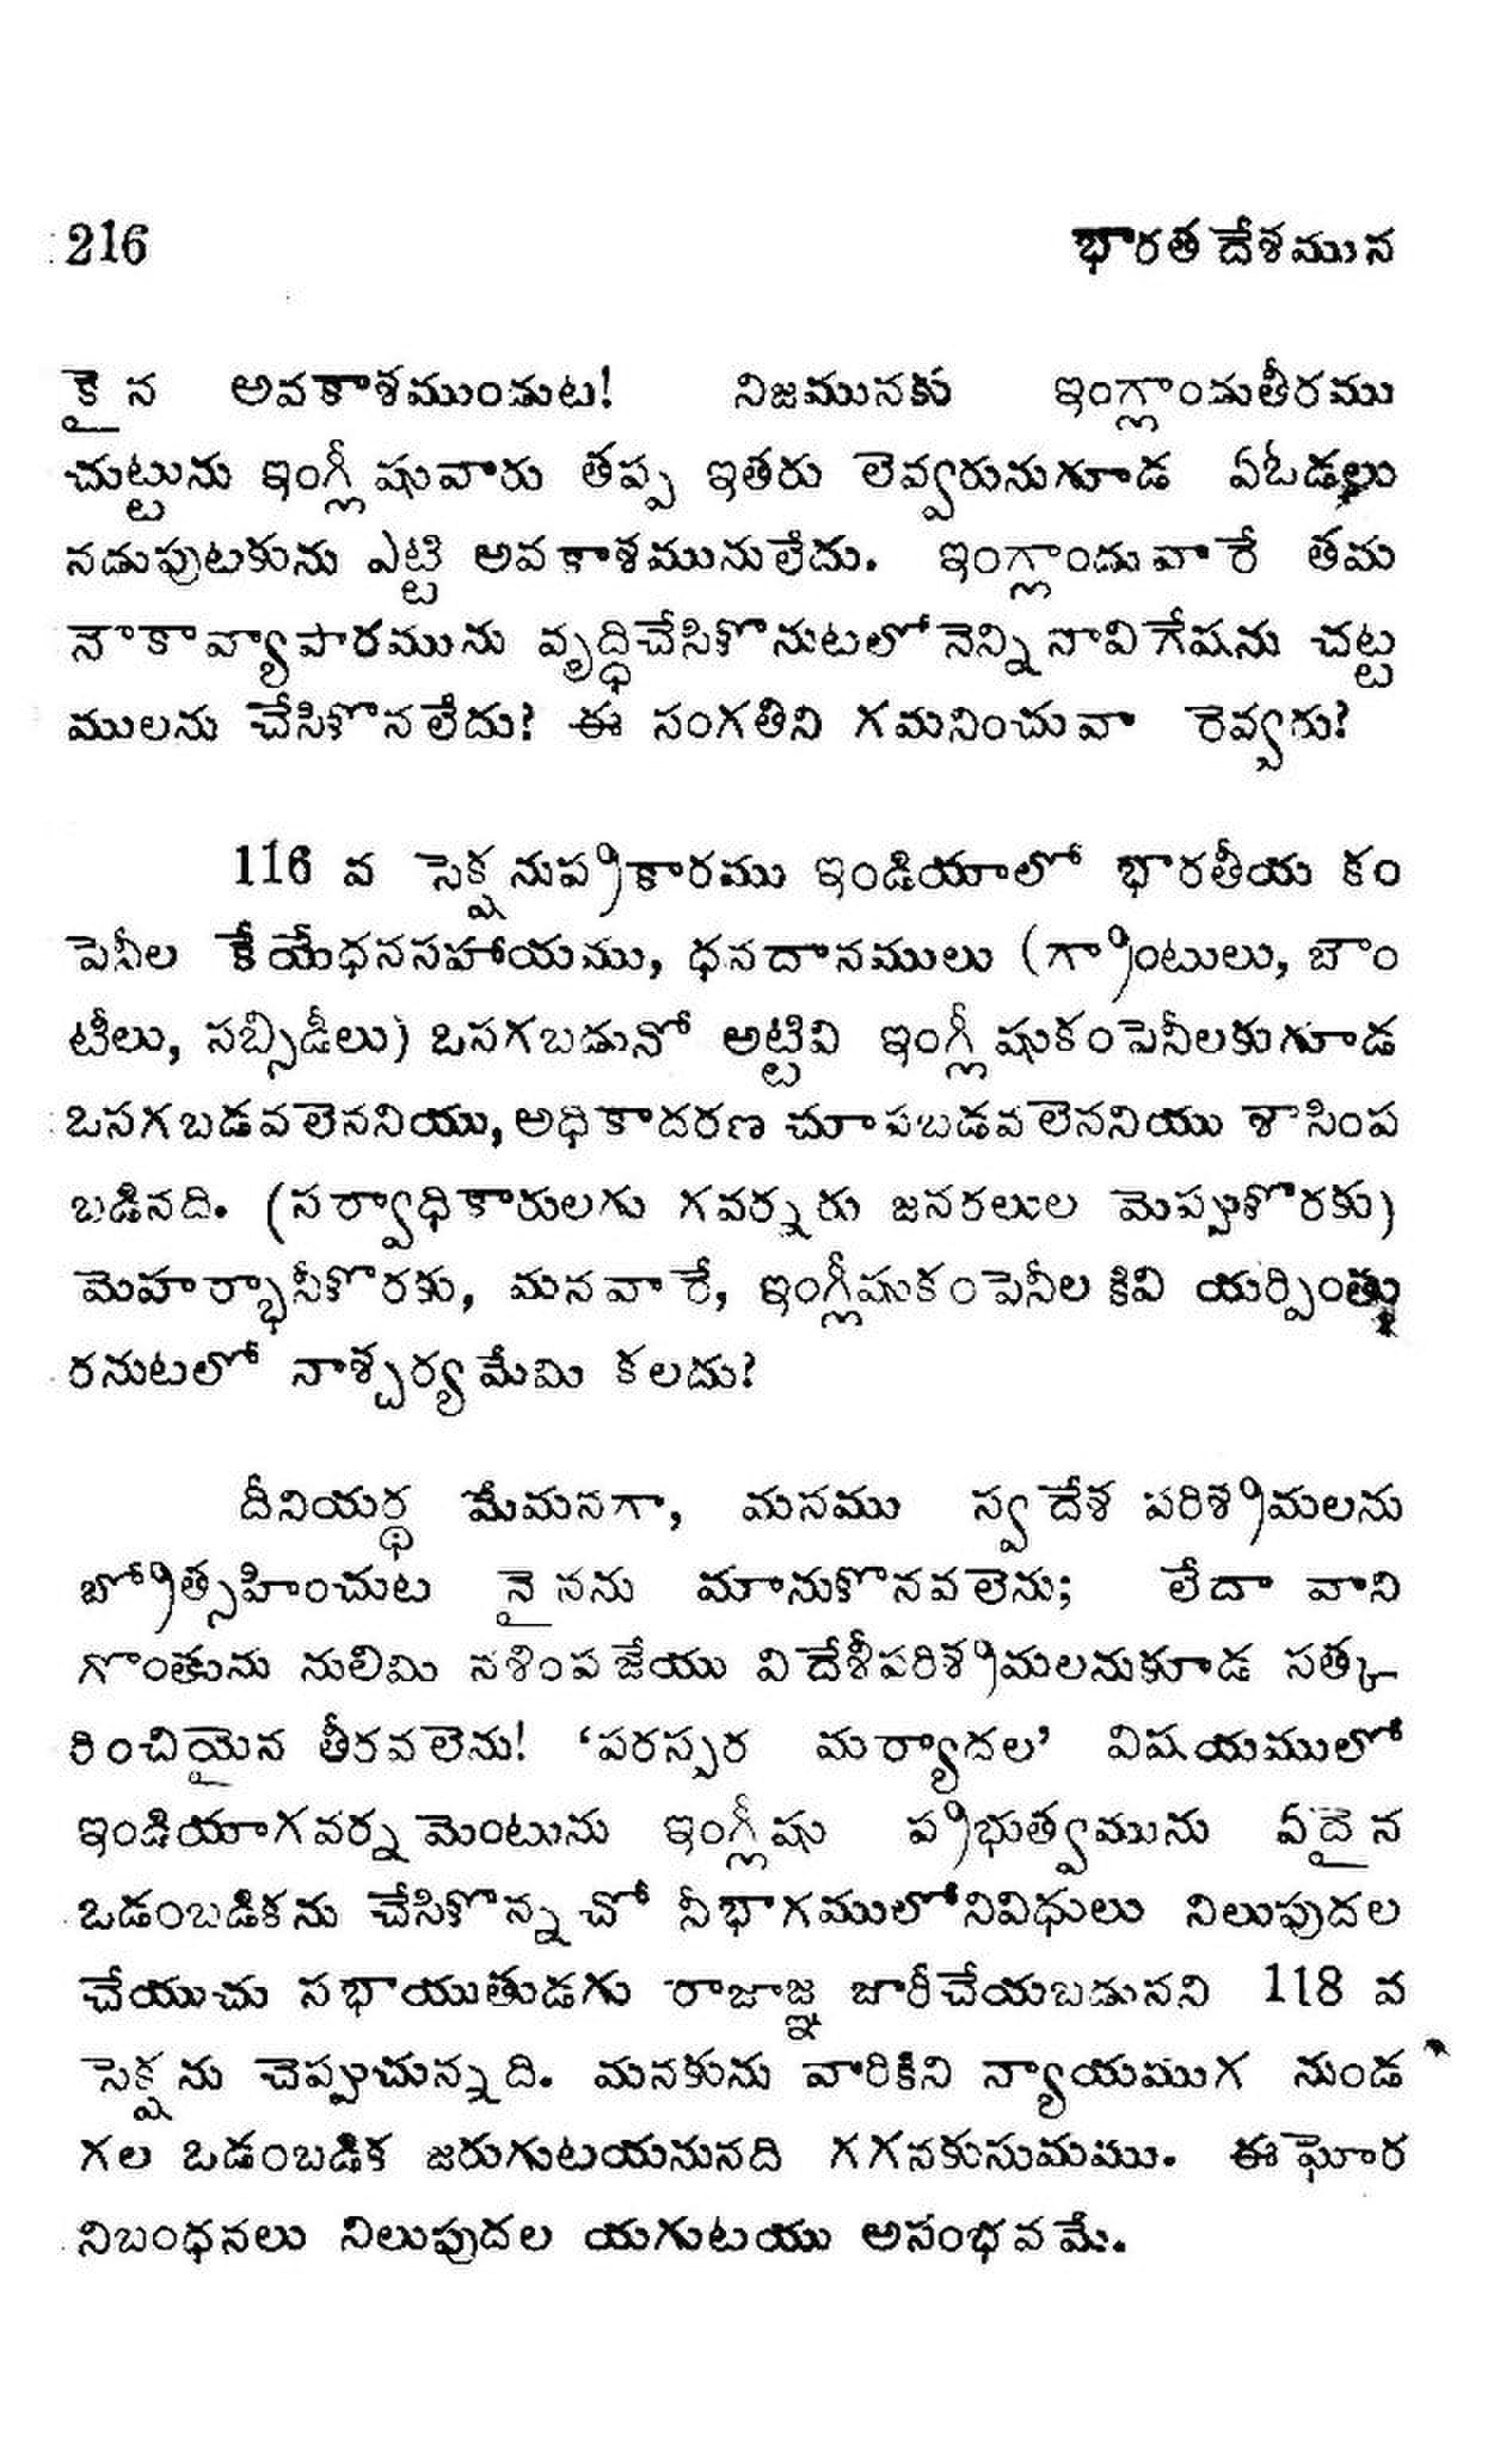కైన అవకాశముండుట! నిజమునకు ఇంగ్లాండుతీరము చుట్టును ఇంగ్లీషువారు తప్ప ఇతరు లెవ్వరునుగూడ ఏఓడలు నడుపుటకును ఎట్టి అవకాశమునులేదు. ఇంగ్లాండువారే తమ నౌకావ్యాపారమును వృద్ధిచేసికొనుటలోనెన్ని నావిగేషను చట్టములను చేసికొనలేదు? ఈ సంగతిని గమనించువా రెవ్వరు? 

116 వ సెక్షనుప్రకారము ఇండియాలో భారతీయ కంపెనీల కేయేధనసహాయము, ధనదానములు (గ్రాంటులు, బౌంటీలు, సబ్సిడీలు) ఒసగబడునో అట్టివి ఇంగ్లీషుకంపెనీలకుగూడ ఒసగబడవలెననియు, అధికాదరణ చూపబడవలెననియు శాసింపబడినది. (సర్వాధికారులగు గవర్నరు జనరలుల మెప్పుకొరకు) మెహర్భానీకొరకు, మనవారే, ఇంగ్లీషుకంపెనీల కివి యర్పింతు రనుటలో నాశ్చర్యమేమి కలదు?

దీనియర్థ మేమనగా, మనము స్వదేశ పరిశ్రమలను బ్రోత్సహించుట నైనను మానుకొనవలెను; లేదా వాని గొంతును నులిమి నశింపజేయు విదేశీపరిశ్రమలనుకూడ సత్కరించియైన తీరవలెను! 'పరస్పర మర్యాదల' విషయములో ఇండియాగవర్నమెంటును ఇంగ్లీషు ప్రభుత్వమును ఏదైన ఒడంబడికను చేసికొన్నచో నీభాగములోనివిధులు నిలుపుదల చేయుచు సభాయుతుడగు రాజాజ్ఞ జారీచేయబడునని 118 వ సెక్షను చెప్పుచున్నది. మనకును వారికిని న్యాయముగ నుండగల ఒడంబడిక జరుగుటయనునది గగనకుసుమము. ఈ ఘోర నిబంధనలు నిలుపుదల యగుటయు అసంభవమే.